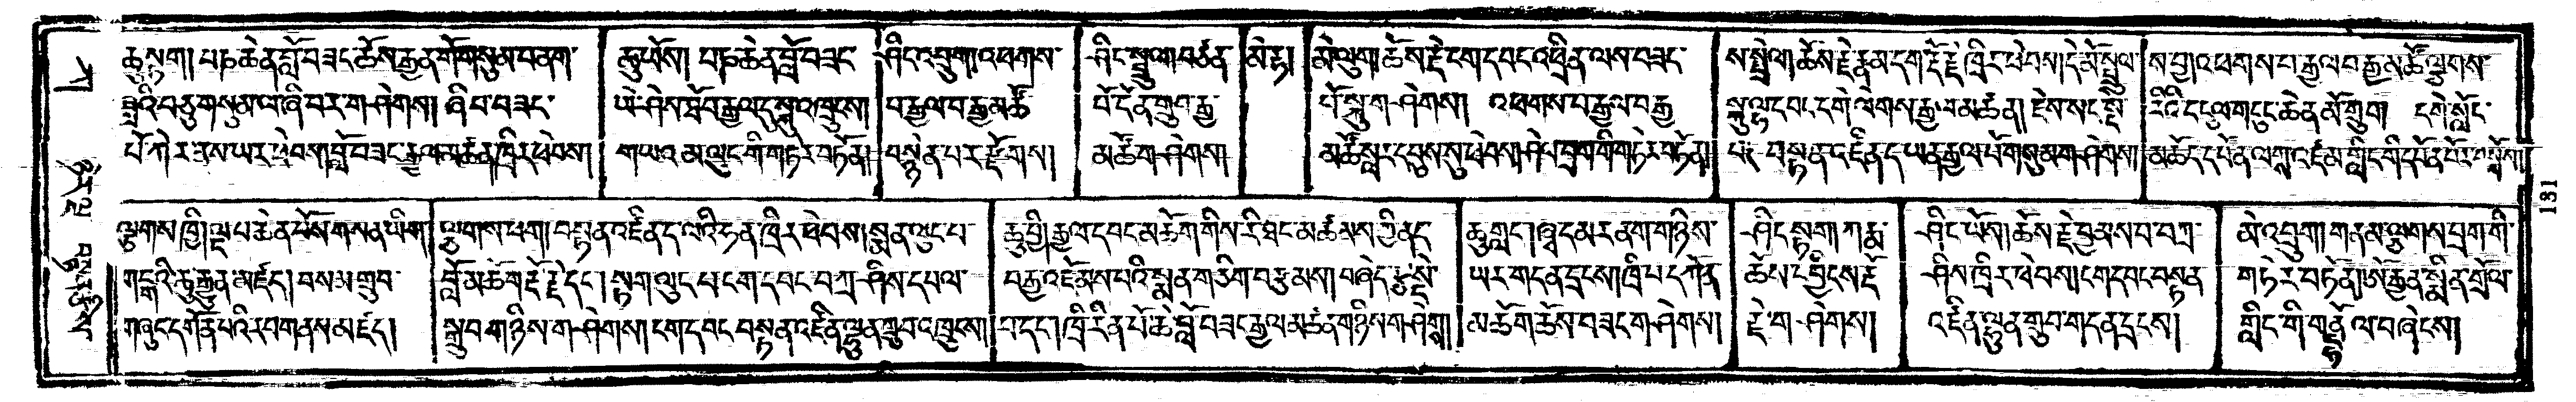ཆུ་སྟག། པཎ་ཆེན་བློ་བཟང་ཆོས་རྒྱན་གོ་གསུམ་པ་ནག་ཆུ་ཡོས། པཎ་ཆེན་བློ་བཟང་ཤིང་འབྲུག །འཕགས་ཤིང་སྤྲུལ། བཙན་མེ་རྟ། མེ་ལུང་། ཆོས་རྗེ་ངག་དབང་འཕྲིན་ལས་བཟང་ས་སྤྲེལ། ཆོས་རྗེ་རྣམ་དག་རྡོ་རྗེ་ཁྲིར་ཕེབས། དེ་མོ་སྤྲུལ་ས་བྱ། འཕགས་པ་རྒྱལ་བརྒྱ་མཚོ་ལྕགས་
ཟླའི་བཅུ་གསུམ་ལ་ཞི་བར་གཤེགས། ཞིབ་བཟང་ཡེ་ཤེས་ཐོག་རྒྱལ་དུ་སྐུ་འཁྲུངས། བ་རྒྱལ་བ་རྒྱ་མཚོ་བོ་དོན་གྲུབ་རྒྱ་པོ་སྐུ་གཤེགས། འཕགས་པ་རྒྱལ་བརྒྱ་སྐུ་ལྷ་དབང་དགེ་ལེགས་རྒྱལ་མཚན། ཇེས་སང་སྡེ་རིའི་དངུལ་གདུང་ཆེན་མོ་གྲུབ། དགེ་སློང་
པོ་ཀེར་ནས་ཡང་ཕེབས། བློ་བཟང་རྒྱལ་མཚན་ཁྲིར་ཕེབས། གཡའ་མ་ལུང་གི་གཏར་བཏོན། བསྙེན་པར་རྫོགས། མཚོ་གཤེགས། མཚོ་སླར་དབུས་སུ་ཕེབས། ཤེང་ཁྲག་གི་གཏེར་བཏོན། བ། བསྟན་འཛིན་ད་ཡན་རྒྱལ་པོ་གསུམ་གཤེགས། མཆོད་དཔོན་ལགས་འཛམ་གླིང་གི་དཔོན་པོར་བསྐོས།
ལྕགས་ཁྱི། ལྔ་པ་ཆེན་པོས་གསན་ཡིག་ལྕགས་ཕག། བསྟན་འཛིན་ད་ལའི་ཧན་ཁྲིར་ཕེབས། སྨན་ལུང་པ། ཆུ་བྱི། རྒྱལ་དབང་མཆོག་གིས་རི་ཐང་མཚམས་ཀྱི་ནང་ཆུ་གླང་། ཞྭ་དམར་ནག་གཉིས། ཤིང་སྟག །ཀརྨ་ཤིང་ཡོས། ཆོས་རྗེ་བྱམས་པ་བཀྲ་མེ་འབྲུག །གནས་ལྕགས་བྲག་གི་
གངྒའི་ཆུ་རྒྱུན་མཛད། བསམ་གྲུབ་བློ་མཆོག་རྡོ་རྗེ་དང་། སྟག་ལུང་པ་ངག་དབང་བཀྲ་ཤིས་དཔལ་བརྒྱ་འཇོམས་པའི་སྨན་གཅིག་བརྩམས། བཞེད་རྩ་སྡེ་ཡར་གདན་དྲངས། ཁྲི་པ་དཀོན་ཆོས་དབྱིངས་རྡོ་ཤིས་ཁྲིར་ཕེབས། ངག་དབང་བསྟན་གཏེར་བཏོན། ཨོ་རྒྱན་སྨིན་གྲོལ་
གཞུང་དགོན་པའི་རབ་གནས་མཛད། སྒྲུབ་གཉིས་གཤེགས། ངག་དབང་བསྟན་འཛིན་ལྷུན་གྲུབ་འཁྲུངས། པ་དང་། ཁྲི་རིན་པོ་ཆེ་བློ་བཟང་རྒྱལ་མཚན་གཉིས་གཤེགས། མཆོག་ཆོས་བཟང་གཤེགས། རྗེ་གཤེགས། འཛིན་ལྷུན་གྲུབ་གདན་དྲངས། གླིང་གི་གནྡྷོ་ལ་བཞེངས།